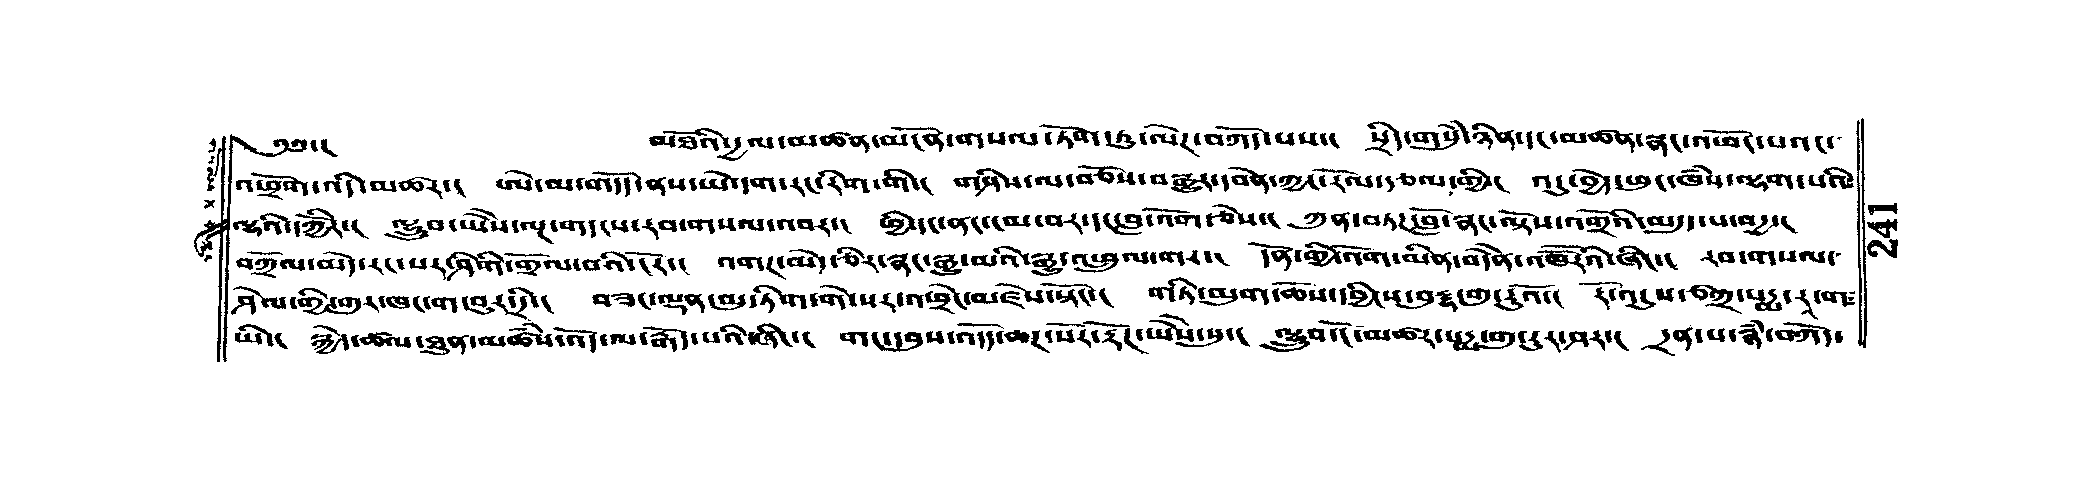མཐོའི་རྒྱལ་མཚན་མངོན་གསལ་ཏོག་ཏུ་ལེགས་བཀོད་པས། །སྲིད་གསུམ་ཉིན་དང་མཚན་སྣང་འཕོས་པའང་
འཕྲོག་འདི་མཚར། །ཨེ་མ་གདོད་ནས་ཡེ་དག་རང་རིག་གི །གཤིས་ལ་བཅོས་བསྒྱུར་དབེན་ཀྱང་རོལ་རྩལ་གྱི། །འདུ་བྱེད་ཕུང་ཁམས་ལྷག་པའི་
ལྷའི་དཀྱིལ་འཁོར། །ལྷུན་གྲུབ་ཡེ་ཤེས་ལྔ་གདངས་རབ་གསལ་འབར། །ཕྱི་དང་ནང་ངམ་བར་དང་བླ་འོག་ཅེས། །ཀུན་བཏགས་བློ་སྣང་ལྟོ་འགྲོའི་མདུད་པ་བརྒྱ། །
བཀྲོལ་མེད་རང་སར་ཤིག་གི་གྲོལ་བའི་ངོར། །འགགས་མེད་ཅིར་སྣང་སྒྱུ་མའི་སྒྱུ་འཕྲུལ་གར། །དོན་གྱི་འོག་མིན་བདེ་ཆེན་འཁོར་ལོའི་ཞིང་། །རབ་གསལ་
ཤེལ་གྱི་གུར་ཁང་ག་བུར་དྲི། །བཟང་ལྡན་མུ་ཏིག་གེ་སར་འཕྲེང་མཛེས་སྟོང་། །གཏི་མུག་ཆོས་དབྱིངས་བུདྡྷ་གུ་རུའོ། །རོ་འདུས་ཙཀྲ་པདྨ་རཱ་ག་
ཡི། །སྐྱེད་ཚལ་ཐུན་མཚམས་འོད་ལ་རྒོལ་པའི་ཞིང་། །གང་དབུས་འདོད་ཆགས་སོར་རྟོགས་ཡེ་ཤེས་སུ། །ལྷུན་གྲུབ་ངོ་མཚར་པདྨ་གུ་རུར་ཤར། །དྲན་པ་རྣམ་བཀོད་